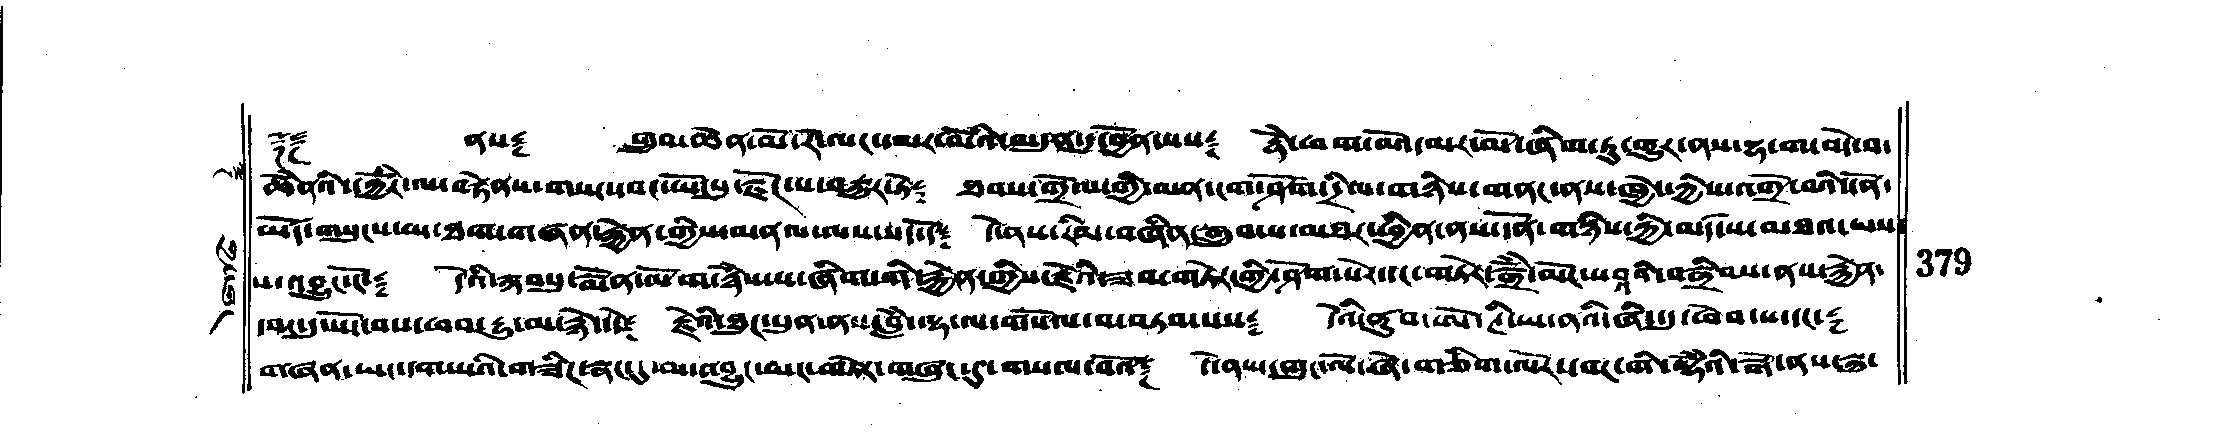ནས། གྲུབ་ཆེན་མོ་རོ་ལང་དམར་མོའི་མདུན་དུ་བྱོན་པས། རྡོ་རྗེ་ཕག་མོ་དམར་མོ་ཞིག་ཏུ་གྱུར་ནས་བྷ་ག་བདེ་བ་
ཆེན་པོའི་དཀྱིལ་འཁོར་ལ་བརྟེན་ནས་གསང་དབང་ཡོངས་སུ་རྫོགས་པ་བསྐུར་ཏེ། ཐབས་གྲོལ་གྱི་མན་ངག་ཤོག་དྲིལ་གཉིས་གནང་ནས་ཁྱེད་ཀྱིས་འགྲོ་བའི་དོན་
མཛོད་གསུངས་མ་ཐག་གཞན་རྐྱེན་གྱིས་མནལ་ལས་སད་དོ། དེ་ནས་རིམ་བཞིན་སྒྲུབ་པ་མཐར་ཕྱིན་ནས་དོན་གཉིས་ཀྱིས་མཛད་པ་མཐའ་ཡས་
པ་འབྱུང་ངོ་། དེའི་སྐབས་སུ་སྨོན་ལོག་ཉམས་པ་ཞིག་གི་རྐྱེན་གྱིས་རྗེའི་ཟབ་གཏེར་གྱི་ཤོག་སེར་དང་གཏེར་སྒྲོམ་མང་པོ་སབྟའི་བསྒྲིབས་ནས་རྐྱེན་
དབང་དུ་སོང་བས་ཕབ་རྒྱུ་མ་རྙེད་དེ། རྗེའི་ཐུགས་སུན་ནས་བླ་མ་ལྷ་ལ་གསོལ་བ་བཏབ་པས།དེའི་ནུབ་ཨོ་ཊི་ཡ་ནའི་ཞིང་དུ་ཕེབས་པ་དང་། 
གཞན་ཡང་དག་པའི་གཟིགས་སྣང་དུ་མ་བྱུང་ཡང་གཏེར་གཞུང་དུ་གསལ་བའོ། དེ་ནས་དགུང་ལོ་ཞེ་གཅིག་ལོར་དབང་གི་ལྷ་མོའི་སྒོ་ནས་སྐུ་